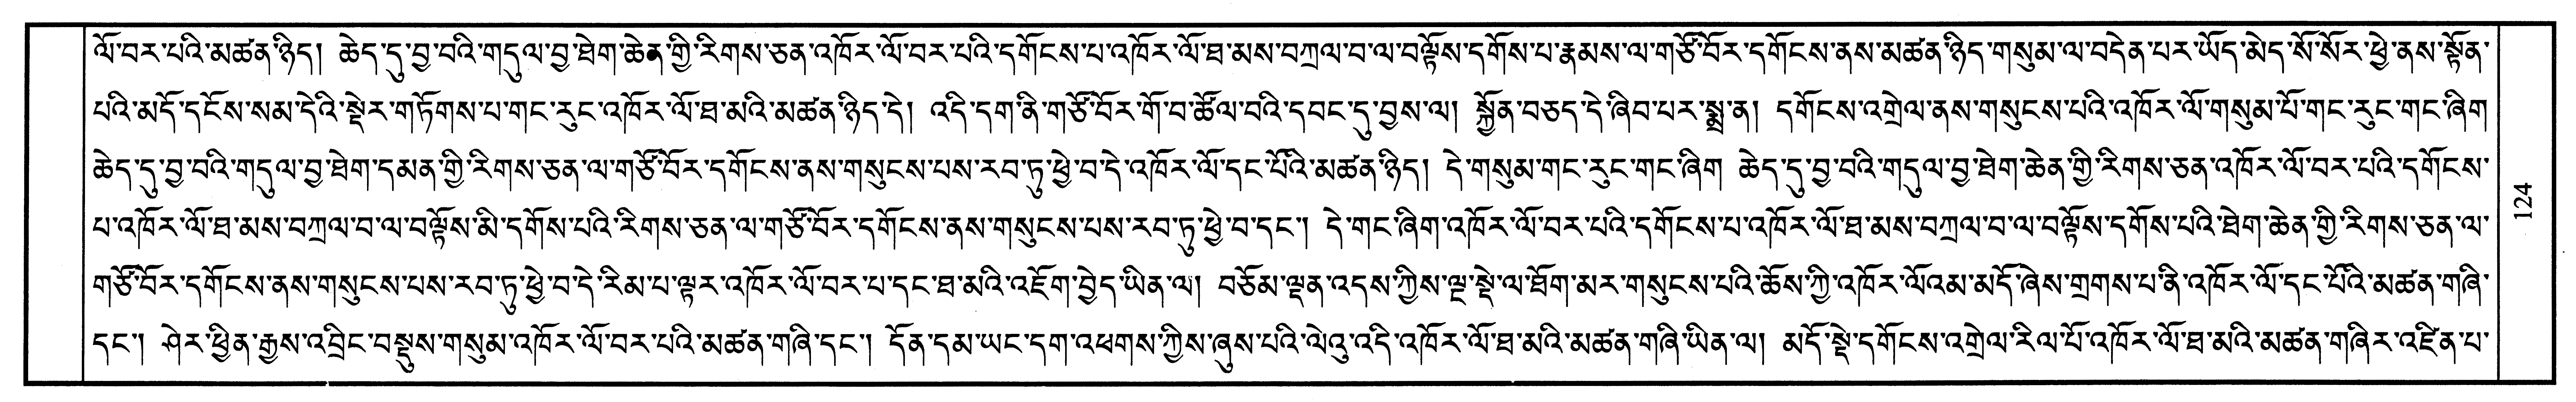ལོ་བར་པའི་མཚན་ཉིད། ཆེད་དུ་བྱ་བའི་གདུལ་བྱ་ཐེག་ཆེན་གྱི་རིགས་ཅན་འཁོར་ལོ་བར་པའི་དགོངས་པ་འཁོར་ལོ་ཐ་མས་བཀྲལ་བ་ལ་བལྟོས་དགོས་པ་རྣམས་ལ་གཙོ་བོར་དགོངས་ནས་མཚན་ཉིད་གསུམ་ལ་བདེན་པར་ཡོད་མེད་སོ་སོར་ཕྱེ་ནས་སྟོན་
པའི་མདོ་དངོས་སམ་དེའི་སྡེར་གཏོགས་པ་གང་རུང་འཁོར་ལོ་ཐ་མའི་མཚན་ཉིད་དེ། འདི་དག་ནི་གཙོ་བོར་གོ་བ་ཚོལ་བའི་དབང་དུ་བྱས་ལ། སྐྱོན་བཅད་དེ་ཞིབ་པར་སྨྲ་ན། དགོངས་འགྲེལ་ནས་གསུངས་པའི་འཁོར་ལོ་གསུམ་པོ་གང་རུང་གང་ཞིག་
ཆེད་དུ་བྱ་བའི་གདུལ་བྱ་ཐེག་དམན་གྱི་རིགས་ཅན་ལ་གཙོ་བོར་དགོངས་ནས་གསུངས་པས་རབ་ཏུ་ཕྱེ་བ་དེ་འཁོར་ལོ་དང་པོའི་མཚན་ཉིད། དེ་གསུམ་གང་རུང་གང་ཞིག་ཆེད་དུ་བྱ་བའི་གདུལ་བྱ་ཐེག་ཆེན་གྱི་རིགས་ཅན་འཁོར་ལོ་བར་པའི་དགོངས་
པ་འཁོར་ལོ་ཐ་མས་བཀྲལ་བ་ལ་བལྟོས་མི་དགོས་པའི་རིགས་ཅན་ལ་གཙོ་བོར་དགོངས་ནས་གསུངས་པས་རབ་ཏུ་ཕྱེ་བ་དང་། དེ་གང་ཞིག་འཁོར་ལོ་བར་པའི་དགོངས་པ་འཁོར་ལོ་ཐ་མས་བཀྲལ་བ་ལ་བལྟོས་དགོས་པའི་ཐེག་ཆེན་གྱི་རིགས་ཅན་ལ་
གཙོ་བོར་དགོངས་ནས་གསུངས་པས་རབ་ཏུ་ཕྱེ་བ་དེ་རིམ་པ་ལྟར་འཁོར་ལོ་བར་པ་དང་ཐ་མའི་འཇོག་བྱེད་ཡིན་ལ། བཅོམ་ལྡན་འདས་ཀྱིས་ལྔ་སྡེ་ལ་ཐོག་མར་གསུངས་པའི་ཆོས་ཀྱི་འཁོར་ལོའམ་མདོ་ཞེས་གྲགས་པ་ནི་འཁོར་ལོ་དང་པོའི་མཚན་གཞི་
དང་། ཤེར་ཕྱིན་རྒྱས་འབྲིང་བསྡུས་གསུམ་འཁོར་ལོ་བར་པའི་མཚན་གཞི་དང་། དོན་དམ་ཡང་དག་འཕགས་ཀྱིས་ཞུས་པའི་ལེའུ་འདི་འཁོར་ལོ་ཐ་མའི་མཚན་གཞི་ཡིན་ལ། མདོ་སྡེ་དགོངས་འགྲེལ་རིལ་པོ་འཁོར་ལོ་ཐ་མའི་མཚན་གཞིར་འཛིན་པ་